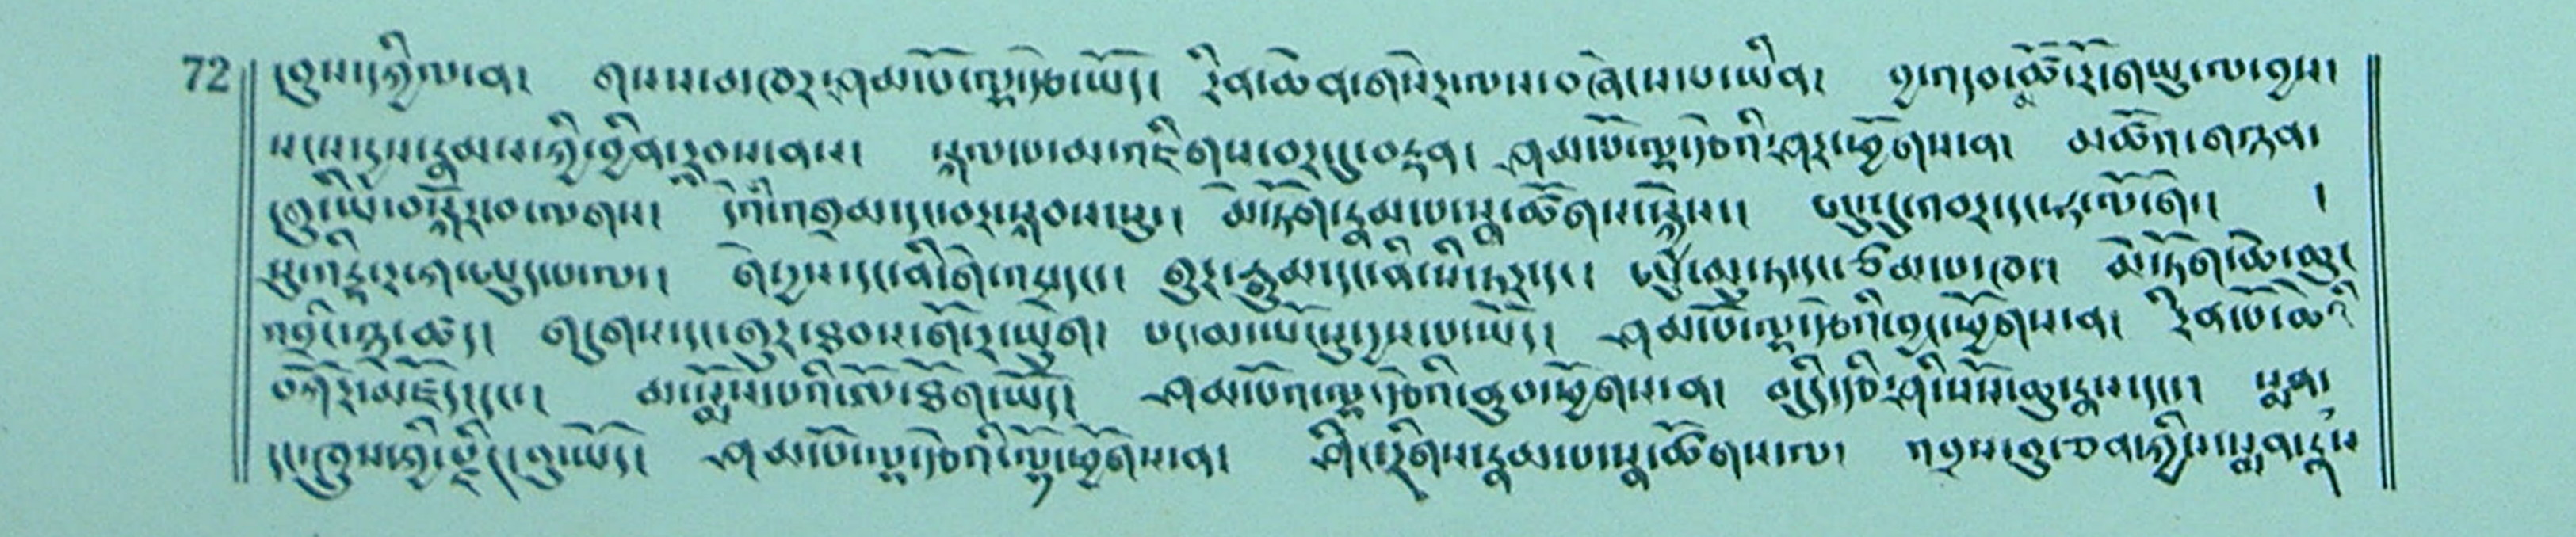དབུས་དཀྱིལ་ན། གསས་མཁར་ཤམ་པོ་ལྷ་རྩེ་ཡོད། རིན་ཆེན་གསེར་ལས་བཞེངས་པ་ཡིན། བྱ་འདབ་མཚོ་རོ་གཡུའ་ལ་བྱས། 
སངས་རྒྱས་རྣམས་ཀྱིས་བྱིན་བརླབས་ནས། བསྐལ་བ་མ་འཇིག་བར་དུ་བརྟན། ཤམ་པོ་ལྷ་རྩེའི་ཤར་ཕྱོགས་ན། མཚོ་གཉན་
དགུ་ཡི་བསྐོར་བ་ལགས། དེ་ཡི་འགྲམ་དང་བར་སྐབས་སུ། མེ་ཏོག་རྣམ་པ་སྣ་ཚོགས་སྐྱེས། ཨུ་དུ་འབར་དང་ཧ་ལོ་གེ། 
སུ་ངྷི་ར་ཀ་ཨུད་པ་ལ། གེ་རྒྱས་དང་ནི་གེ་འདྲ་དང་། གུར་གུམ་དང་ནི་སི་ཏར་དང་། ཨུ་མུ་ཏ་དང་ཙམ་པ་ཀ མེ་ཏོག་ཆེ་ཆུང་
འབྲིང་གསུམ་ཚད། གདུགས་དང་གུར་ཐབས་གོ་ར་ཡུག པད་མ་ཡོངས་སུ་རྒྱས་པ་ཡོད། ཤམ་པོ་ལྷ་རྩེའི་བྱང་ཕྱོགས་ན། རིན་པོ་ཆེ་
བཀོར་མཛོད་དང་། མ་རྨོས་པ་ཡི་ལོ་ཐོག་ཡོད། ཤམ་པོ་ལྷ་རྩེའི་ནུབ་ཕྱོགས་ན། བདུད་རྩི་ཤི་སོས་ཆུ་རྣམས་དང་། སྨན་
དང་ཁྲུས་ཀྱི་རྫིང་བུ་ཡོད། ཤམ་པོ་ལྷ་རྩེའི་ལྷོ་ཕྱོགས་ན། ཤིང་རིགས་རྣམ་པ་སྣ་ཚོགས་ཡོད། འབྲས་བུ་ཅན་གྱི་སྨ་རྣམས་